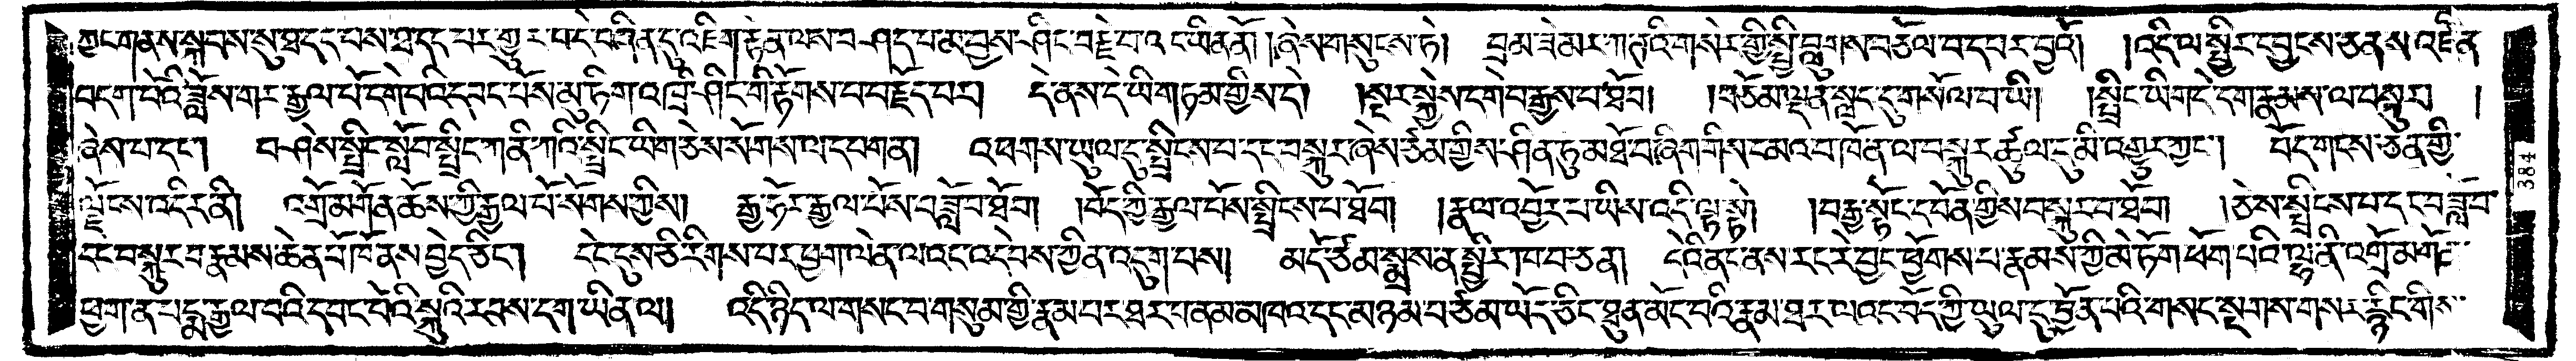ཀྱང་གནས་སྐབས་སུ་ཐ་དད་བས་ཐ་དད་པར་གྱུར་པ་དེ་བཞིན་དུ་འཇིག་རྟེན་ལས་བཤད་པ་མ་བྱས་ཤིང་བརྗེ་བའང་ཡིན་ནོ། །ཞེས་གསུངས་ཏེ། བྲམ་ཟེ་མར་ཀ་ཊའི་གསེར་གྱི་སྤྱི་བླུགས་བཅོལ་བ་དཔར་བྱའོ། །འདི་ལ་སྤྱི་དབྱངས་ཅན་འཛིན་
བདག་པོའི་ཟློས་གར་རྒྱལ་པོ་དགེ་བའི་དབང་པོས་མུ་ཏིག་འཁྲི་ཤིང་གི་རྟོགས་པ་བརྗོད་པར། དེ་ནས་དེ་ཡི་གཏམ་གྱིས་དེ། །སྔར་སྐྱེས་དགེ་བ་རྒྱས་པ་ཐོབ། །བཅོམ་ལྡན་འདས་སླད་དུ་གསོ་པ་ཡི། །སྤྲིང་ཡིག་དེ་དག་རྣམས་ལ་བསྐུར། །
ཞེས་པ་དང་། བཤེས་སྤྲིང་སློབ་སྤྲིང་ཀ་ནི་ཀའི་སྤྲིང་ཡིག་ཅེས་སོགས་ལ་དཔག་ན། འཕགས་ཡུལ་དུ་སྤྲིངས་པ་དང་བསྐུར་ཞེས་ཙམ་གྱིས་ཤིན་ཏུ་མཐོ་བ་ཞིག་གིས་དམའ་བ་ཁོ་ན་ལ་བསྐུར་ཚུལ་དུ་མི་འགྱུར་ཀྱང་། བོད་གངས་ཅན་གྱི་
ལྗོངས་འདིར་ནི། འགྲོ་མགོན་ཆོས་ཀྱི་རྒྱལ་པོ་སོགས་ཀྱིས། རྒྱ་ཧོར་རྒྱལ་པོས་བཟློ་བ་ཐོབ་།བོད་ཀྱི་རྒྱལ་པོས་སྤྲིངས་པ་ཐོབ། །རྣལ་འབྱོར་པ་ཡིས་འདི་ལྟ་སྟེ། །བརྒྱ་སྟོང་དཔོན་གྱིས་བསྐུར་བ་ཐོབ། །ཅེས་སྤྲིངས་པ་དང་བཟློག་
དང་བསྐུར་བ་རྣམས་ཆེན་པོ་ཁོ་ནས་བྱེད་ཅིང་། དེང་དུས་ཅི་རིགས་པར་ཕྱག་ལེན་ལའང་འདེབས་ཀྱིན་འདུག་པས། མདོ་ཙམ་སྨྲས་ན་སྤྱིར་ཁ་བ་ཅན། དེའི་ནང་ནས་རང་རེ་བྱང་ཕྱོགས་པ་རྣམས་ཀྱི་མེ་ཏོག་ཕོག་པའི་ལྷ་ནི་འགྲོ་མགོ?
ཕྱག་ན་པདམ་རྒྱལ་བའི་དབང་པོའི་སྐུའི་རབས་དག་ཡིན་ལ། འདི་ཉིད་ལ་གསང་བ་གསུམ་གྱི་རྣམ་པར་ཐར་པ་ནམ་མཁའ་དང་མཉམ་པ་ཙམ་ཡོད་ཅིང་ཐུན་མོང་པའི་རྣམ་ཐར་ལའང་བོད་ཀྱི་ཡུལ་དུ་བྱོན་པའི་གསང་སྔགས་གསར་རྙིང་གིས་